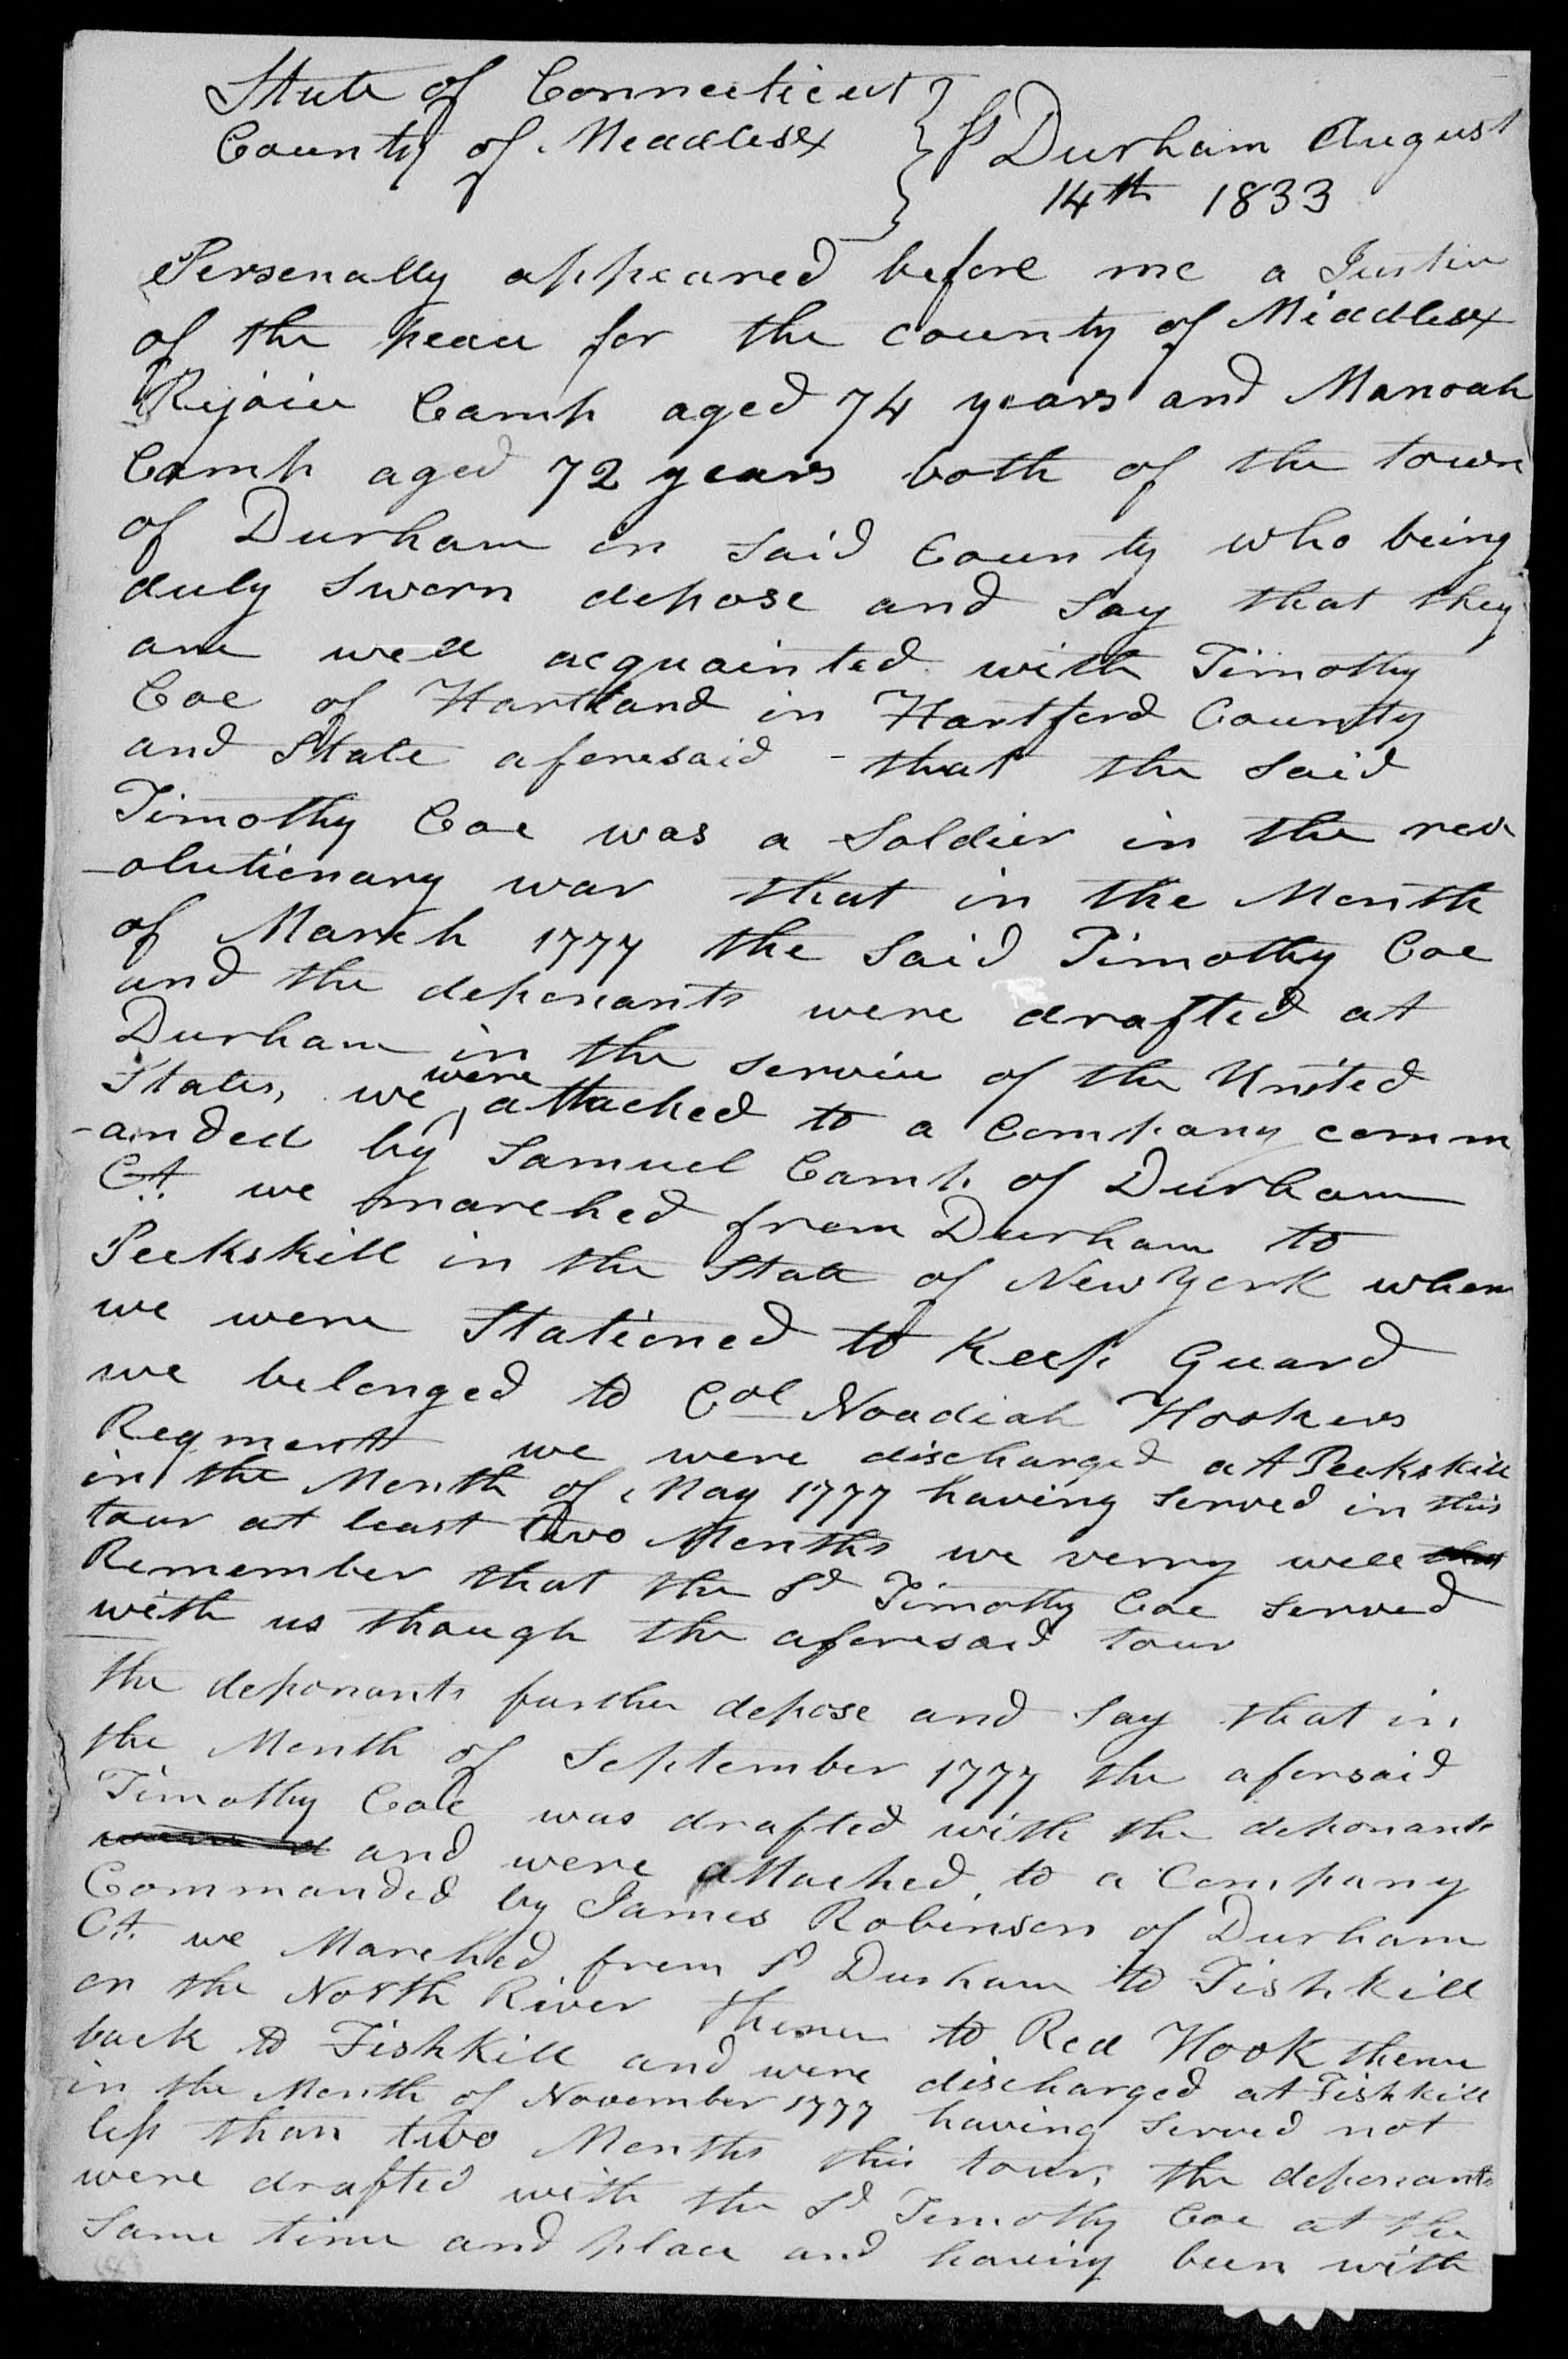State of Connecticut
County of Middlesex} ss. Durham August 14th 1833
Personally appeared before me a Justice of the Peace for the county of Middlesex Rejoice Camp aged 74 years and Manoah Camp aged 72 years both of the town of Durham in said County who being duly sworn depose and say that they are well acquainted with Timothy Cor of Hartford in Hartford County and State aforesaid, that the said Timothy Coe was a soldier in the revolutionary war that in the month of March 1777 the said Timothy Coe and the deponents were drafted at Durham in the service of the United State, we were attached to a company commanded by Samuel Camp of Durham Ct. we marched from Durham to Peckskill in the State of New York where we were stationed to keep guard we belonged to Col Noadiah Hookers Regiment we were discharged at Peckskill in the month of May 1777 having served in this tour at least two months we verry well remember that the sd Timothy Coe served with is throught the aforesaid tour.
The deponents further depose and say that in the month of September 1777 the aforesaid Timothy Cor was drafted with the deponents and were marched to a company commanded by James Robinson of Durham Ct. we marched from sd Durham to Fishkill on the North River thence to Red hook thence back to Fishkill and were discharged at Fishkill in the month of November 1777 having served not less than two months this tour. The deponents were drafted with the sd Timothy Coe at the same time and place and having been with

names: Timothy Coe, James Robinson, Rejoice Camp, Timothy Coe, Samuel Camp, Timothy Coe, Timothy Coe, Manoah Camp, Timothy Coe, Timothy Coe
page: 45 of 76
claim: widow's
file: W. 5,250, Timothy Coe, Conn.